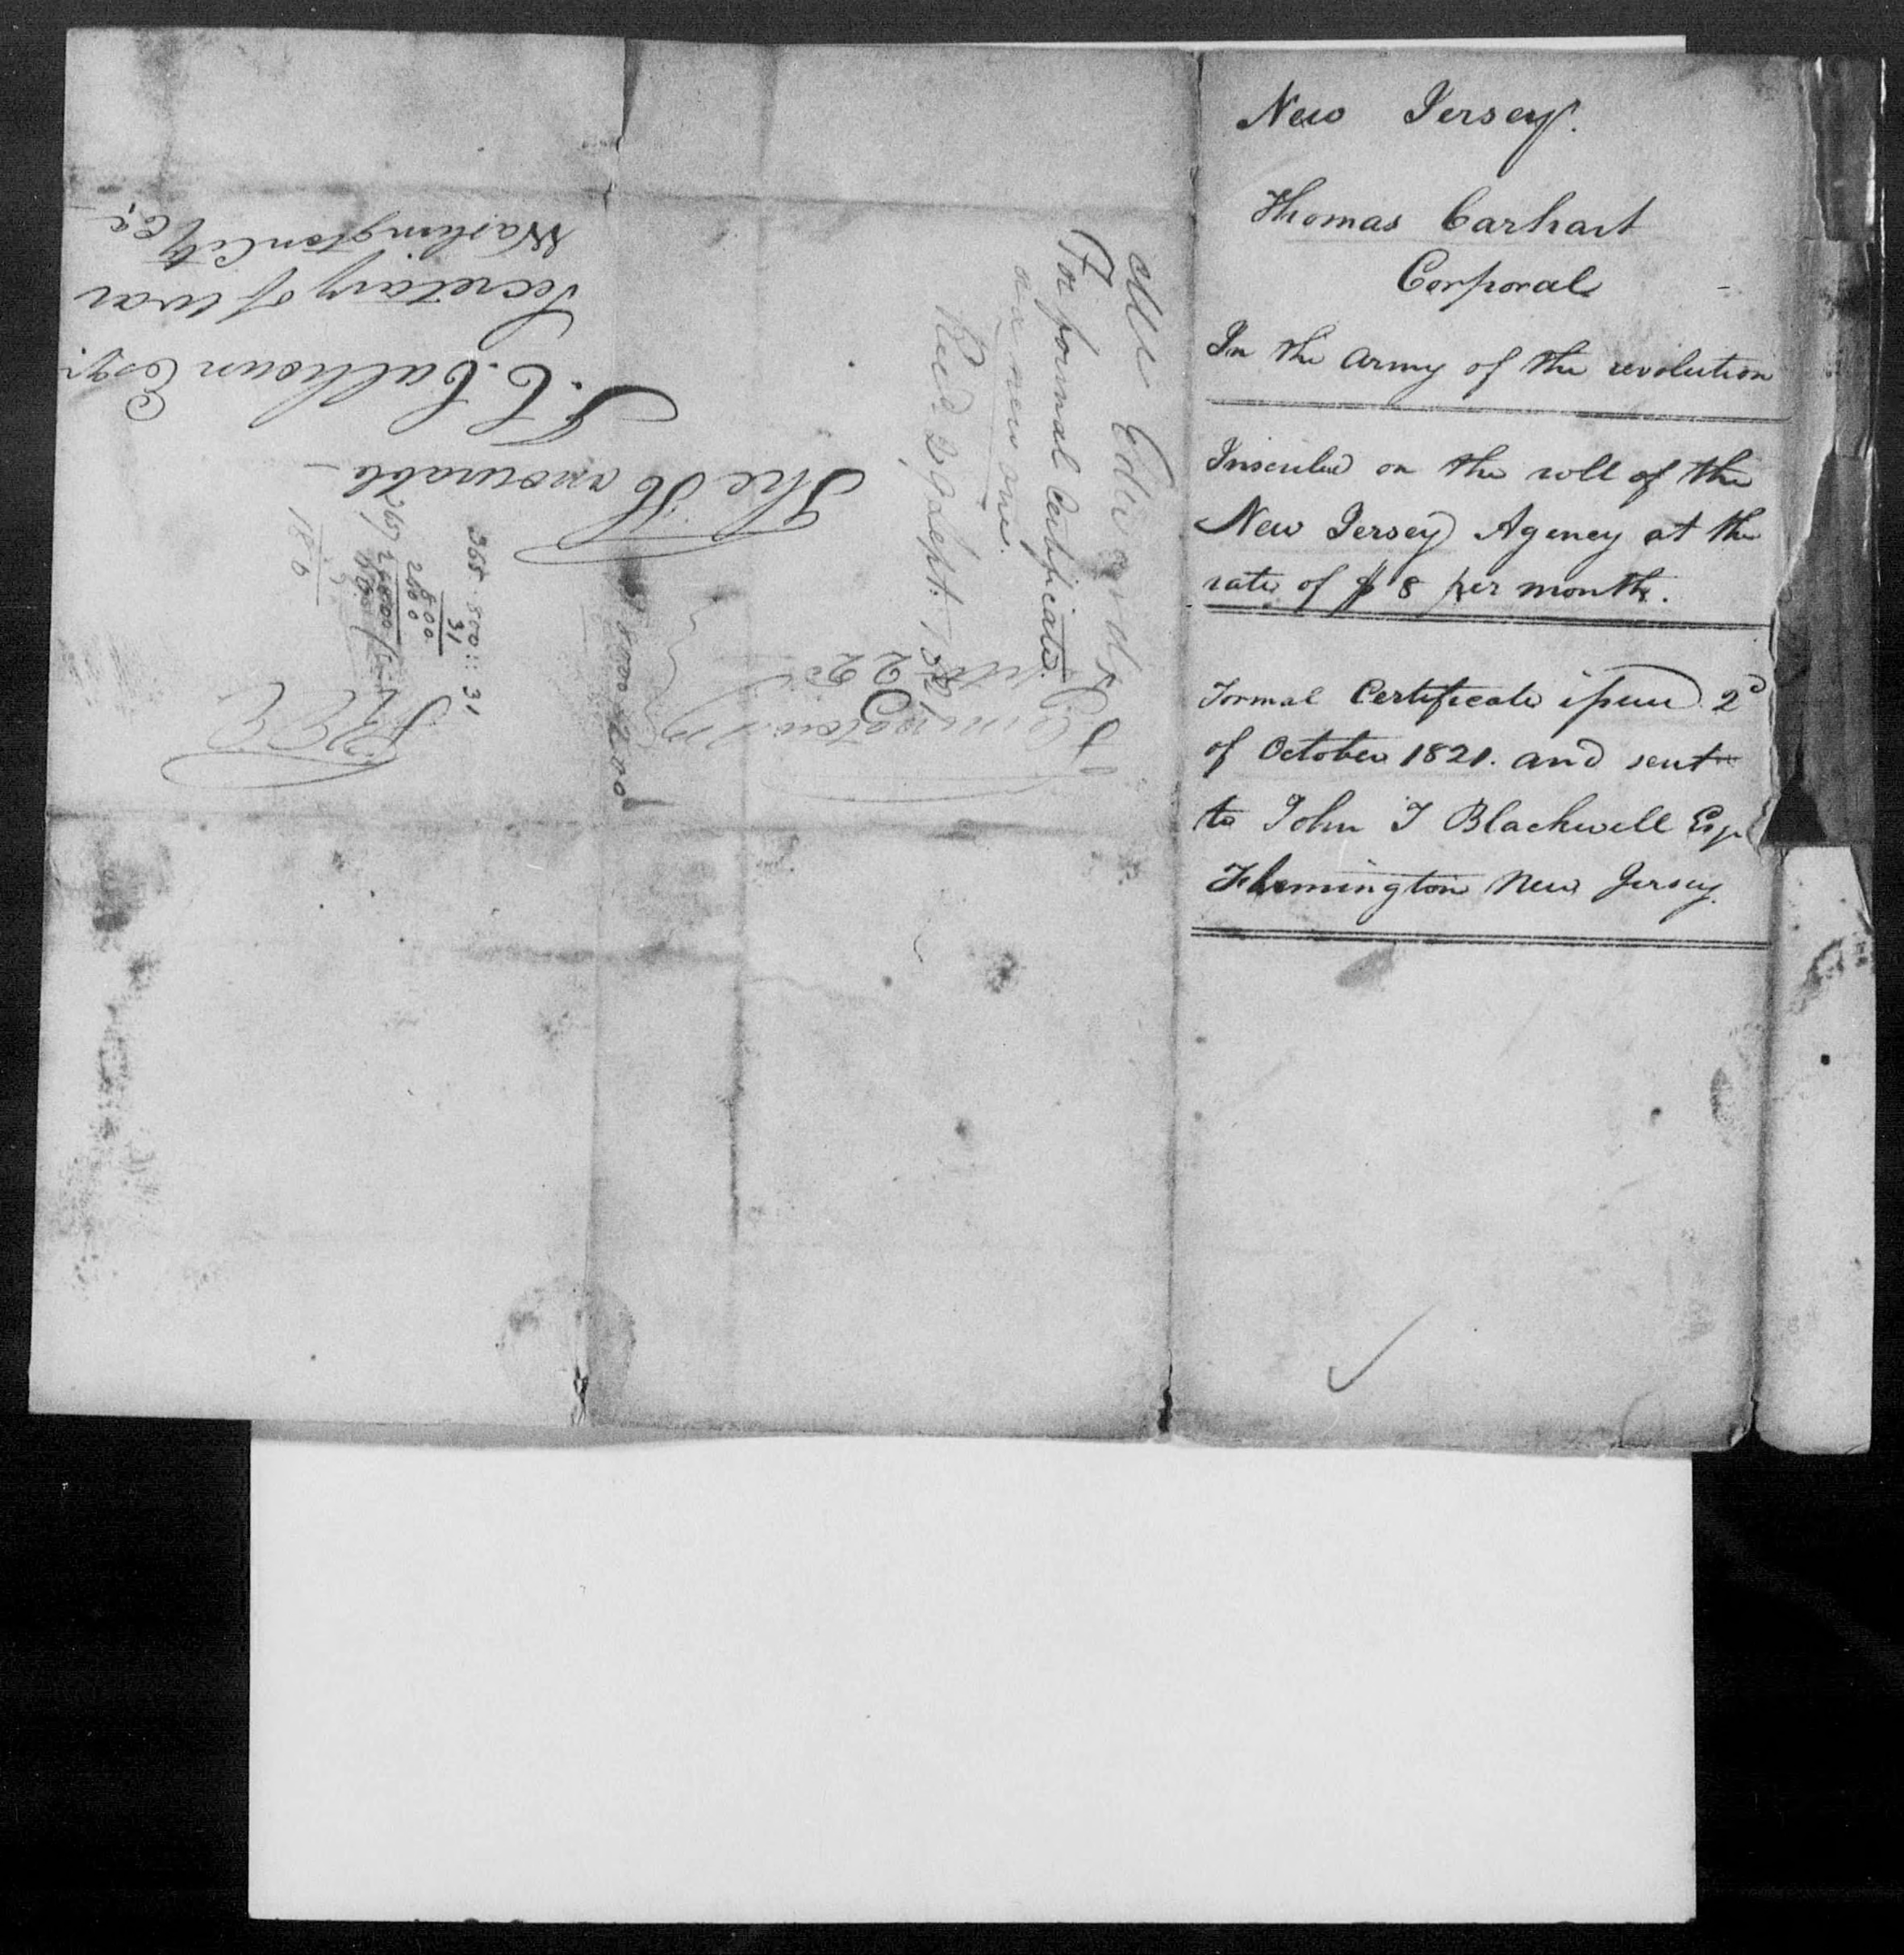New Jersey
Thomas Carhart
Corporal
In the Army of the revolution

Inscribed on the roll of the New Jersey Agency at the rate of $8 per month.
Formal certificate upon 2d of October 1821 and sent to John T. Blackwell Esq. Flemington New Jersey.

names: J C Calhoun, John T Blackwell, Thomas Carhart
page: 3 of 7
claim: survivor's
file: S. 483, Thomas Carhart, New Jersey